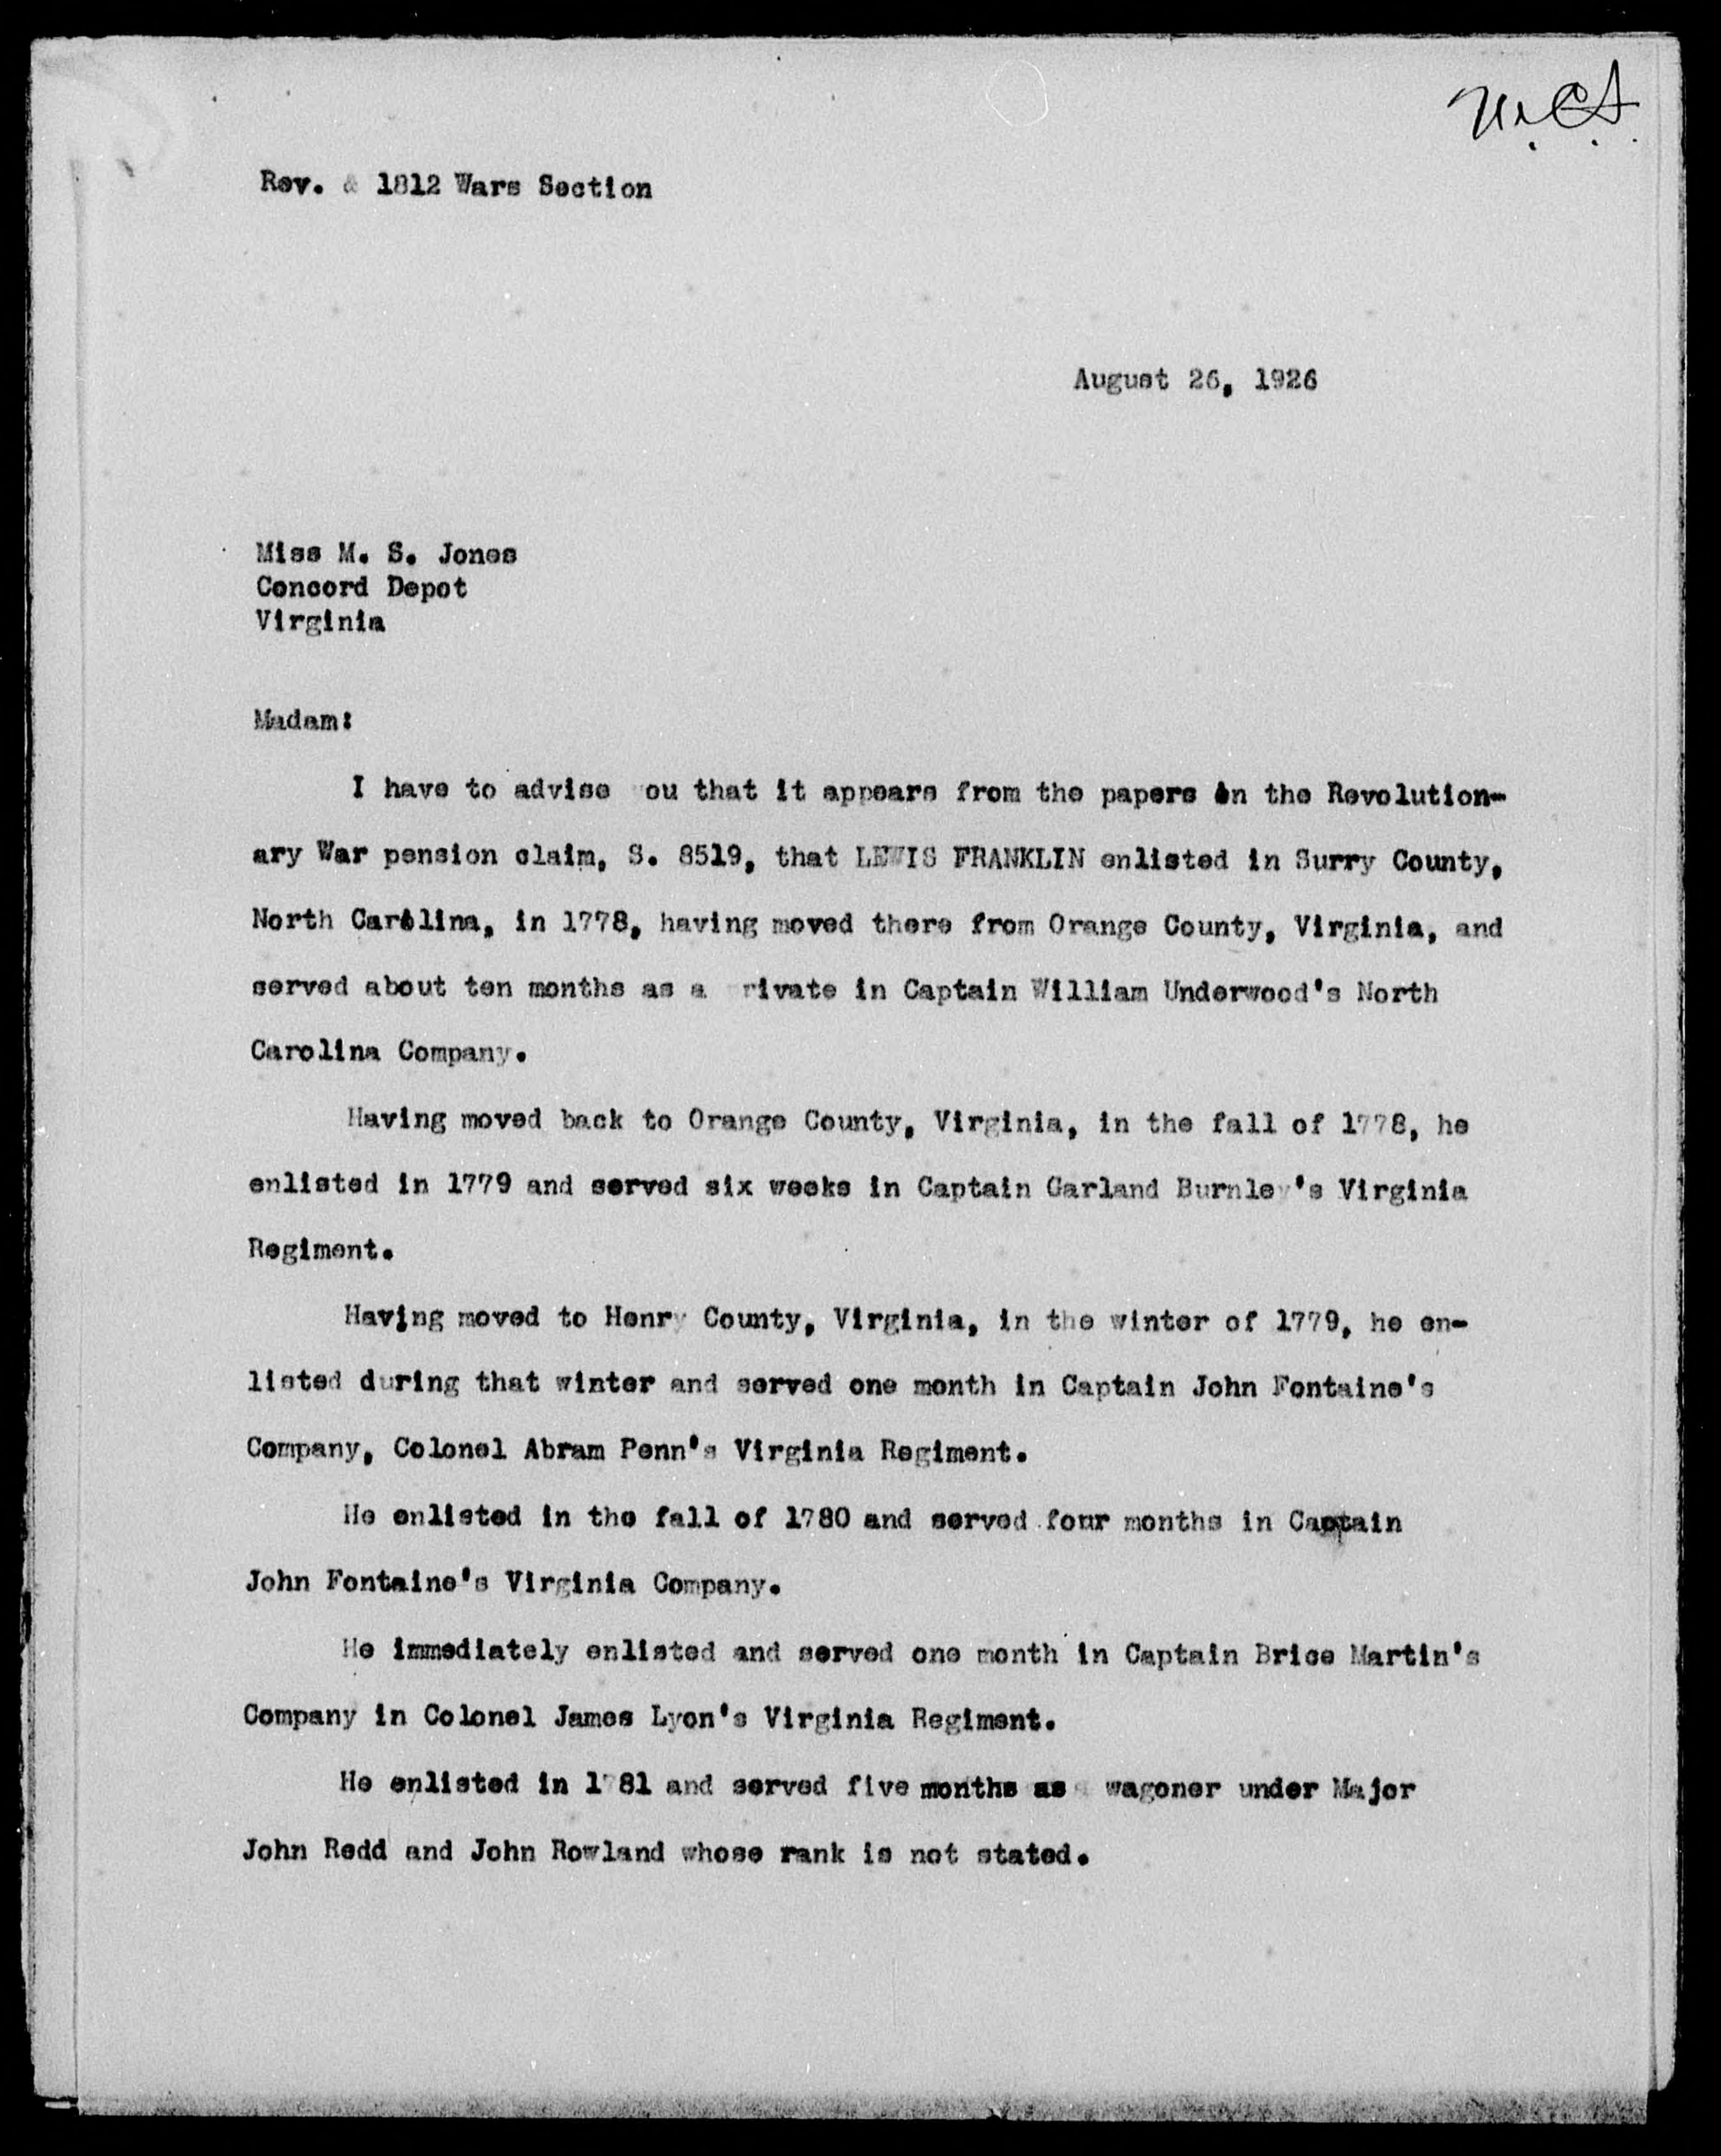[handwritten] W.C.A. 

Rev. & 1812 Wars Section

August 26, 1926

Miss M. S. Jones
Concord Depot
Virginia

Madam:
I have to advise you that it appears from the papers in the Revolutionary War pension claim, S. 8519, that LEWIS FRANKLIN enlisted in Surry County, North Carolina, in 1778, having moved there from Orange County, Virginia, and served about ten months as a private in Captain William Underwood's North Carolina Company. 
Having moved back to Orange County, Virginia, in the fall of 1776, he enlisted in 1779 and served six weeks in Captain Garland Burnley's Virginia Regiment. 
Having moved to Henry County, Virginia, in the winter of 1779, he enlisted during that winter and served one month in Captain John Fontaine's Company, Colonel Abram Penn's Virginia Regiment.
He enlisted in the fall of 1780 and served one month in Captain Brice Martin's Company in Colonel James Lyon's Virginia Regiment. 
He enlisted in 1781 and served five months as wagoner under Major John Redd and John Rowland whose rank is not stated.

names: M S Jones, John Rowland, Lewis Franklin, John Redd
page: 19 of 20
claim: survivor's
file: S. 8519, Lewis Franklin, N.C. Va.